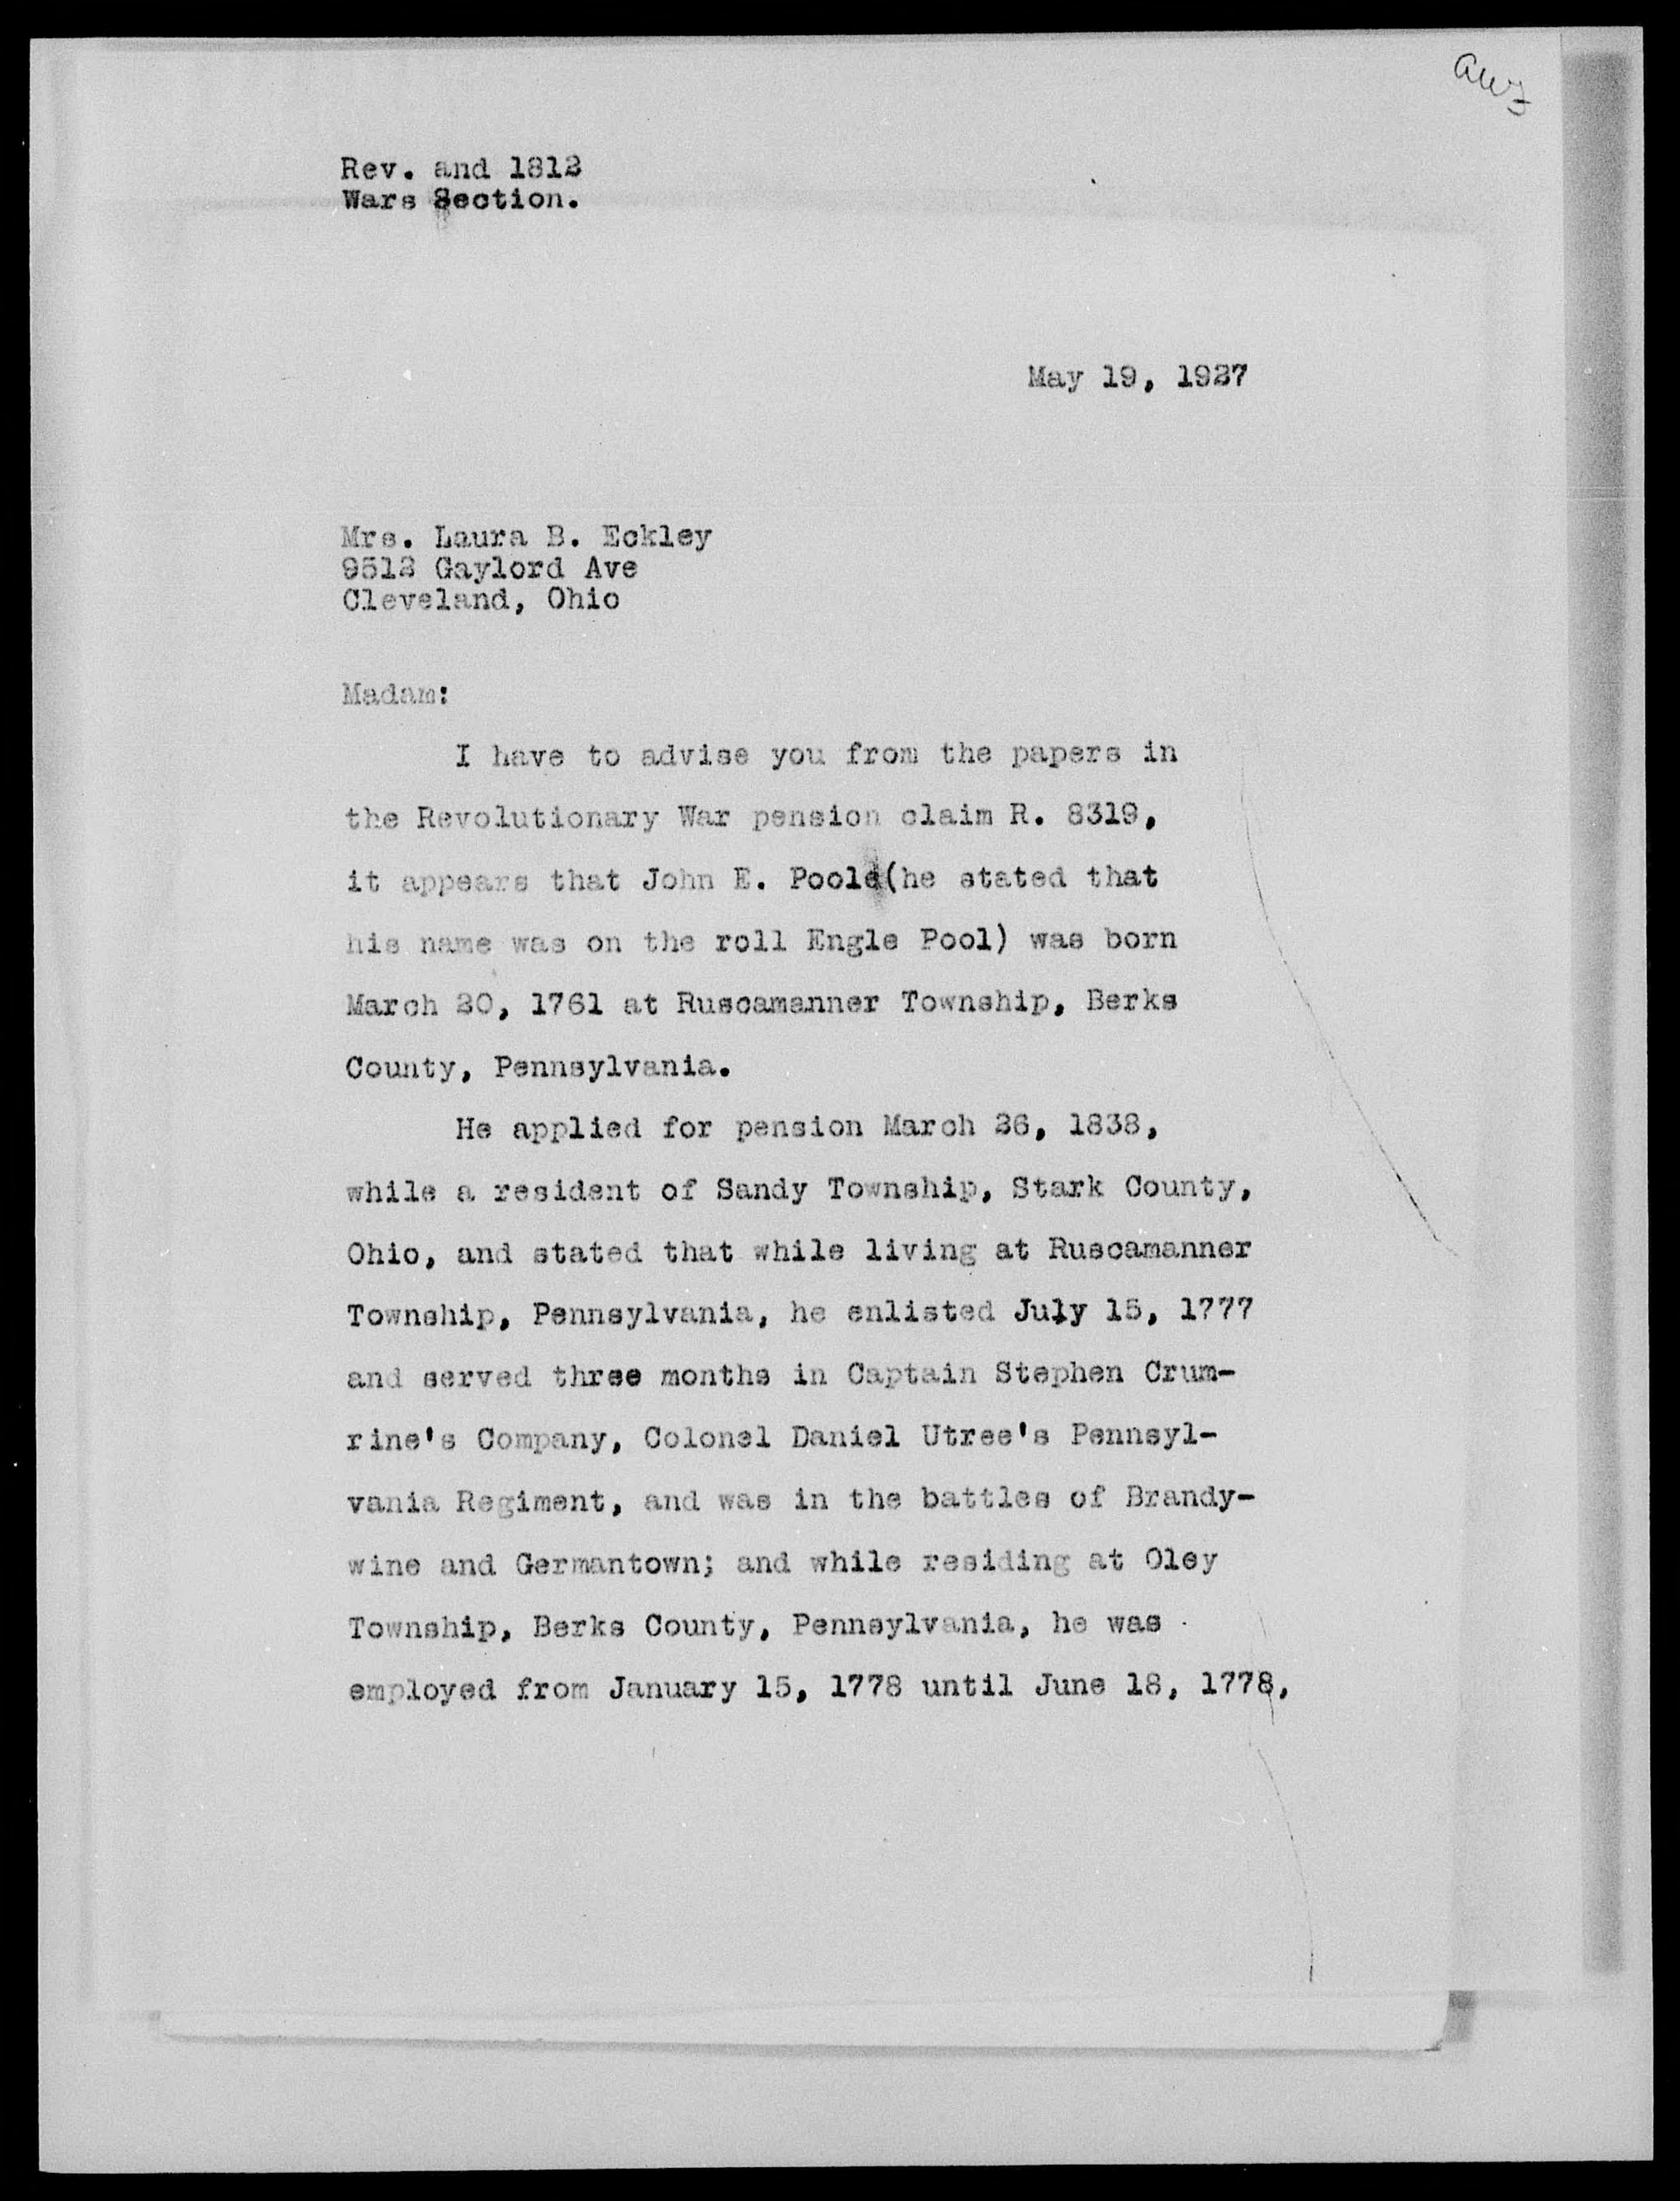awy

Rev. and 1812
Wars Section

May 19,1927

Mrs. Laura B. Eckley
9512 Gaylord Ave
Cleveland, Ohio

Madam:
I have to advise you from the papers in the Revolutionary War pension claim R. 8319, it appears that John E. Poole (he stated his name was on the roll Engle Pool) was born March 20, 1761 at Ruscamanner Township, Berks County, Pennsylvania.

He applied for pension March 26, 1838, while a resident of Sandy Township, Stark County, Ohio, and stated that while living at Ruscamanner Township, Pennsylvania, he enlisted July 15, 1777 and served three months in Captain Stephen Crumrine's Company, Colonel Daniel Utree's Pennsylvania Regiment, and was in the battles of Brandywine and Germantown; and while residing at Oley Township, Berks County, Pennsylvania, he was employed from January 15, 1778 until June 18, 1778,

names: Engle Pool; John E Poole; Laura B Eckley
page: 7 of 22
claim: rejected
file: R. 8,319, for John Engle Pool, Pennsylvania